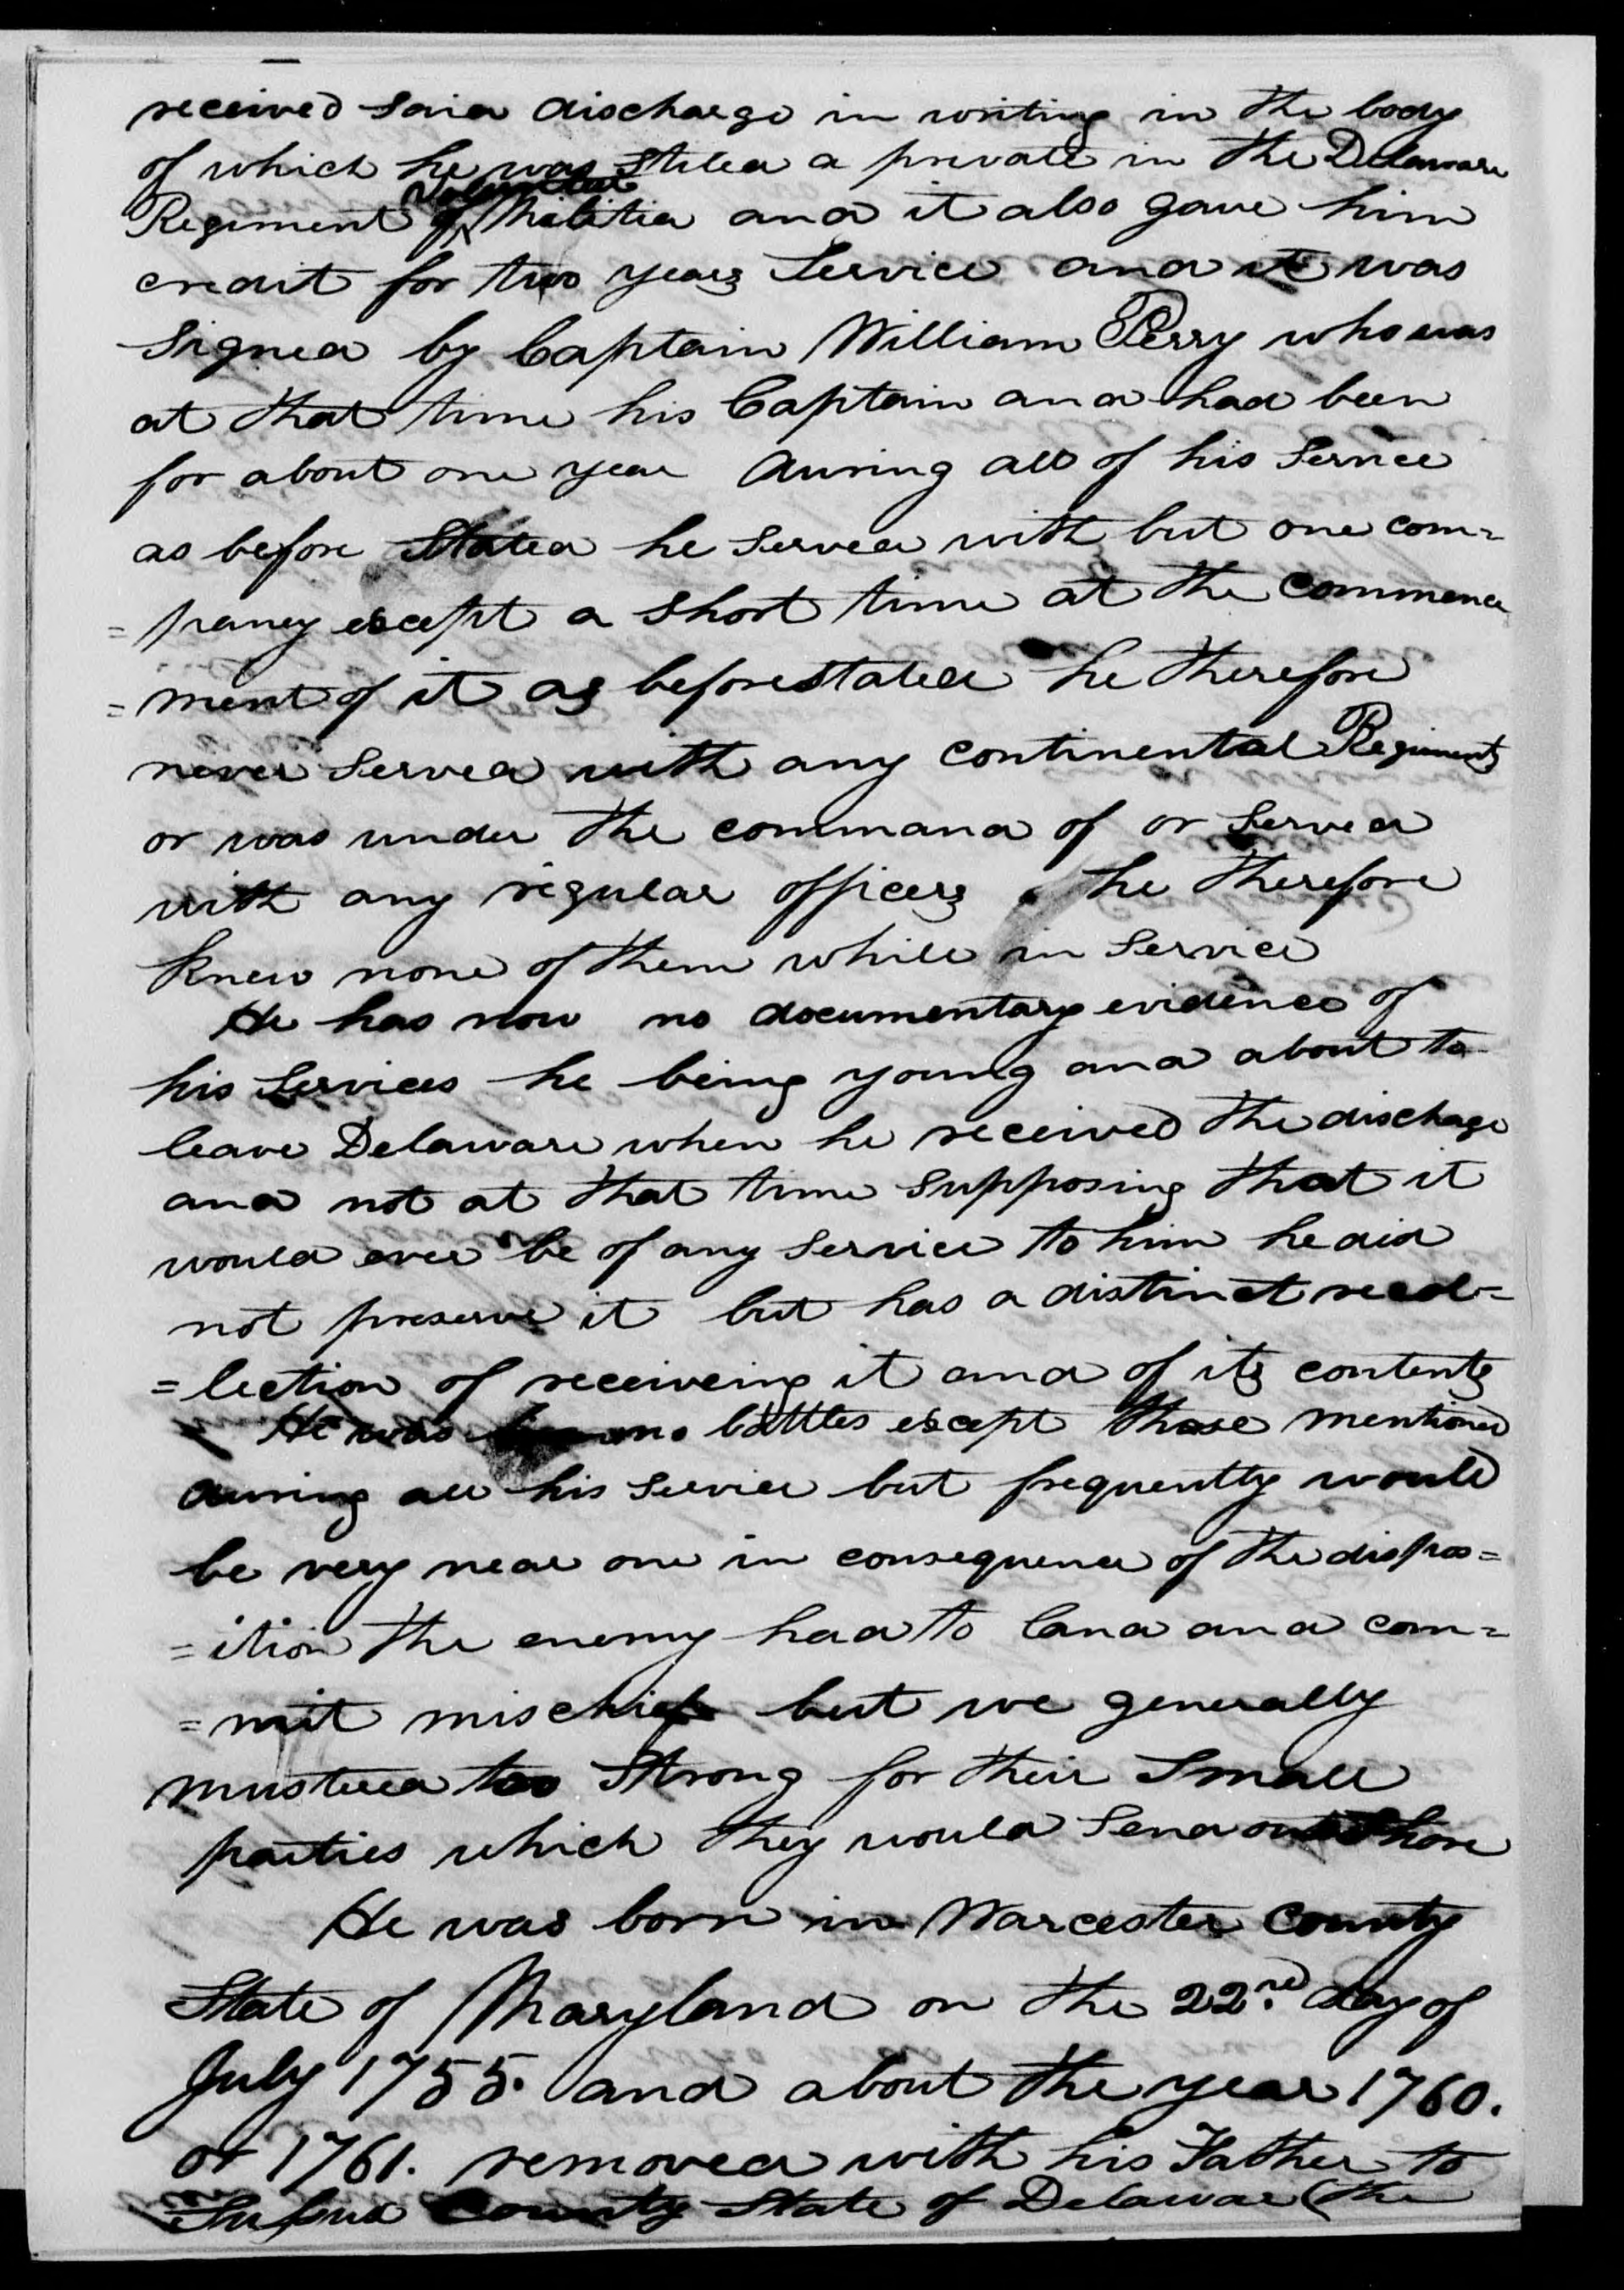Received said discharge in writing in the body of which he was stated a private in the Delaware Regiment of Militia and it also gave him credit for two years service and it was signed by captain William Perry who was at that time his Captain and had been for about one year during all of his service as before stated he served with but one company except a short time at the commencement of it as before stated, he never served with any Continental Regiment of was under the command of or served with any regular officers he therefore knew none of them while in service.
He has no documentary evidence of his services he being young and about to leave Delaware when he received the discharge and not at that time supposing that it would ever be of any service to him he did not preserve it but has a distinct recollection of receiving it and of its contents.  He was (unknown) no battles except those mentioned during all his service but frequently would be very near one in consequence of the disposition the enemy had to (unknown) and commit mischief but we generally mustered too strong for their small parties which they would send out then.
    He was born in Worcester county, State of Maryland on the 22nd day of July 1755 and about the year 1760 or 1761 removed with his father to (unknown) county, state of Delaware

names: William Perry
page: 10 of 25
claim: survivor's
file: S. 13789, for Samuel Lockwood, Delaware